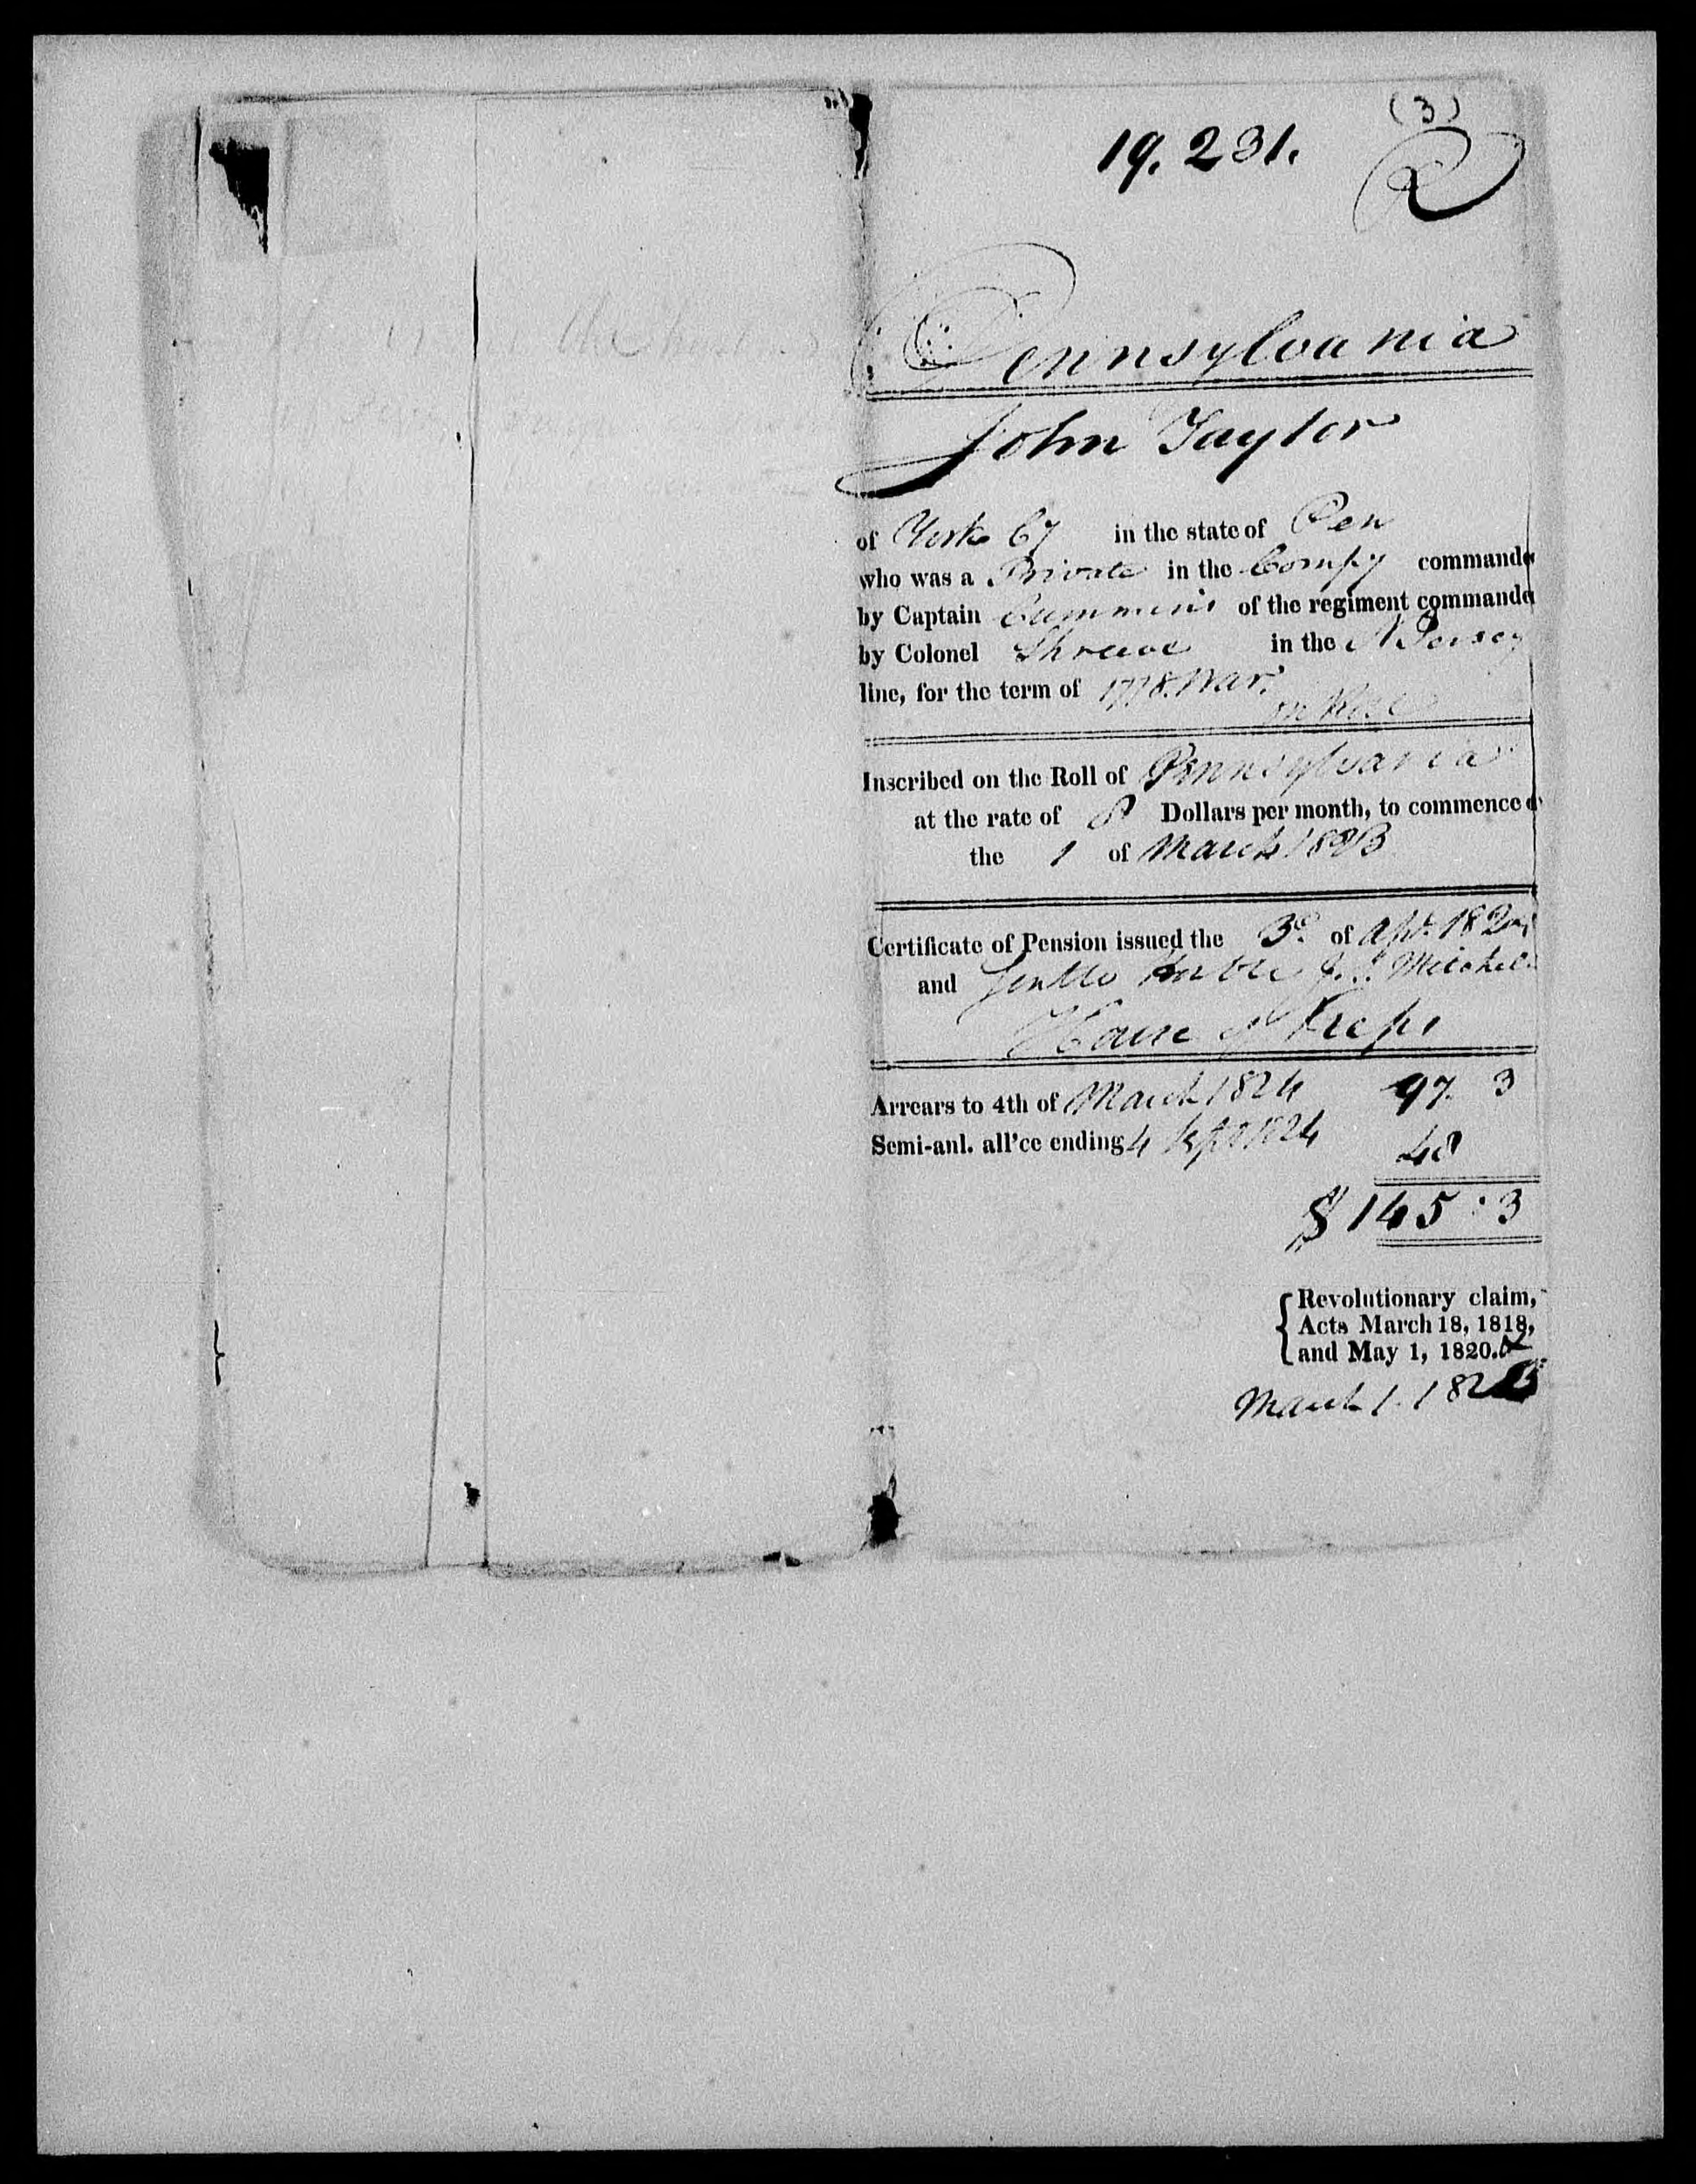19.231.    (3) R

Pennsylvania
John Taylor

of York Cy in the state of Pen
who was a Private in the Compy command
by Captain Cummins of the regiment command by Colonel Shreve in the N Jersey line, for the term of 1778 Mar
MRae

Inscribed on the Roll of Pennsylvania at the rate of 8 Dollars per month, to commence on the 1 of March 1823

Certificate of Pension issued the 3rd of Apr. 18 day and (?)  (?) 

Arrears to 4th of March 1824
Semi-anl. all'cr ending 4 Sept 1824 

97/ 3 
40
$145.3

{Revolutionary claim, Acts March 18, 1818, and May 1, 1820. 
March 1. 182(?)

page: 2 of 9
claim: survivor's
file: S. 40,555, for John Taylor, New Jersey